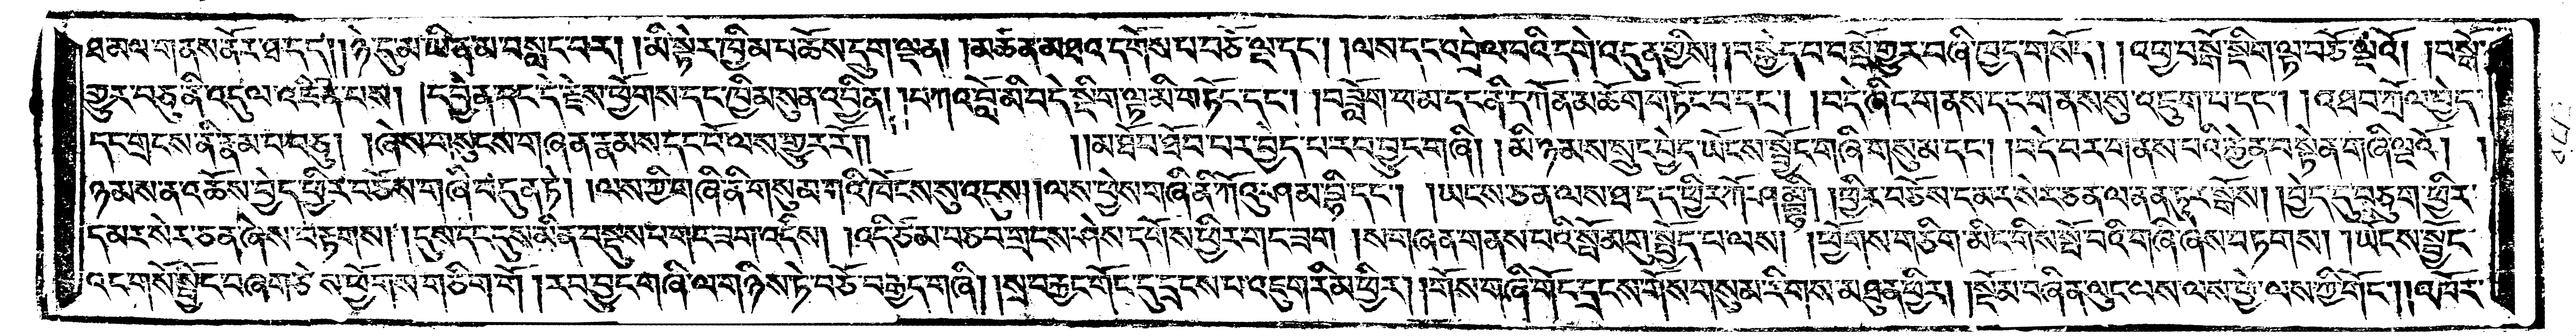ཐ་མལ་གནས་ནར་ཐ་དད། །ཉེ་དུ་མ་ཡིན་མ་བསླང་བར། །མི་སྟེར་ཁྱིམ་པ་ཆོས་དྲུག་ལྡན། །མཚན་མཐའ་དགོས་པ་བཅོ་ལྔ་དང་། །ལས་དང་འབྲེལ་བའི་དགེ་འདུན་གྱིས། །བསྐྱེད་པ་བསྒོ་གྱུར་བཞི་ཁྱད་གསོད། །འབྱ་བསྒོ་སྡིག་ལྟ་བཅོ་ལྔའོ། །བསྒོ་
གྱུར་བཅུ་ནི་འདུལ་འཛིན་པས། །དབྱེན་དང་དེ་རྗེས་ཕྱོགས་དང་ཁྱིམ་སུན་འབྱིན། །བཀའ་བློ་མི་བདེ་སྡིག་ལྟ་མི་གཏོང་དང་། །བཟློག་ཕམ་དང་ནི་དཀོན་མཆོག་གཏོང་བ་དང་། །བདེ་ཞིང་གནས་དང་ནས་སུ་འཇུག་པ་དང་། །འཐབ་ཀྲོལ་བྱེད་
དང་གྲངས་ནི་རྣམ་པ་བཅུ། །ཞེས་གསུངས་གཞན་རྣམས་དང་པོ་ལས་གྱུར་རོ། །།མ་ཐོབ་ཐོབ་པར་བྱེད་པ་རབ་བྱུང་གཞི། །མི་ཉམས་སྲུང་བྱེད་ཡོངས་སྦྱོང་གཞི་གསུམ་དང་། །བདེ་བར་གནས་པའི་རྐྱེན་བསྟེན་གཞི་ལྔའོ། །
ཉམས་ནང་ཆོས་བྱེད་ཕྱིར་བཅོས་གཞི་བདུན་ཏེ། །ལས་ཀྱི་གཞི་ནི་གསུམ་གའི་ཁོངས་སུ་འདུས། །ལས་ཕྱེས་གཞི་ནི་ཀོའུ་ཤམ་བྷི་དང་། །ཡང་ས་ཅན་ལས་ཐ་དད་ཕྱིར་ཀོ་ཤམྦྷི། །ཕྱིར་བཅོས་དམར་སེང་ཅན་ལ་ནན་ཏུར་སྒོས། །བྱེད་དུ་བཅུག་ཕྱིར་
དམར་སེར་ཅན་ཞེས་བ་རྟགས། །དུས་དང་དུས་མིན་བསྡུས་པ་གང་ཟག་འདིས། །འདི་ཙམ་བཅབ་གྲངས་ཤེས་དགོས་ཕྱིར་གང་ཟག །ས་གཞན་གནས་པའི་སྤོ་མགུ་སྤྱོད་པ་ལས། །ཕྱོགས་གཅིག་མིང་གིས་སྤོ་བའི་གཞི་ཞེས་བཏགས། །ཡོངས་སྦྱོང་
འང་གསོ་སྦྱོང་བཞག་ཅེས་ཕྱོགས་གཅིག་གོ །རབ་བྱུང་གཞི་ལ་གཉིས་ཏེ་བཅོ་བརྒྱད་གཞི། །སྲ་བརྐྱང་གོང་དུ་དྲངས་པ་འཇུག་རིམ་ཕྱིར། །གོས་གཞི་གོང་དྲངས་གོས་གསུམ་རིགས་མཐུན་ཕྱིར། །སྡོམ་བཞིན་ལུང་ལས་ལས་ཕྱེ་ལས་ཀྱི་གོང་། །འཁོར་